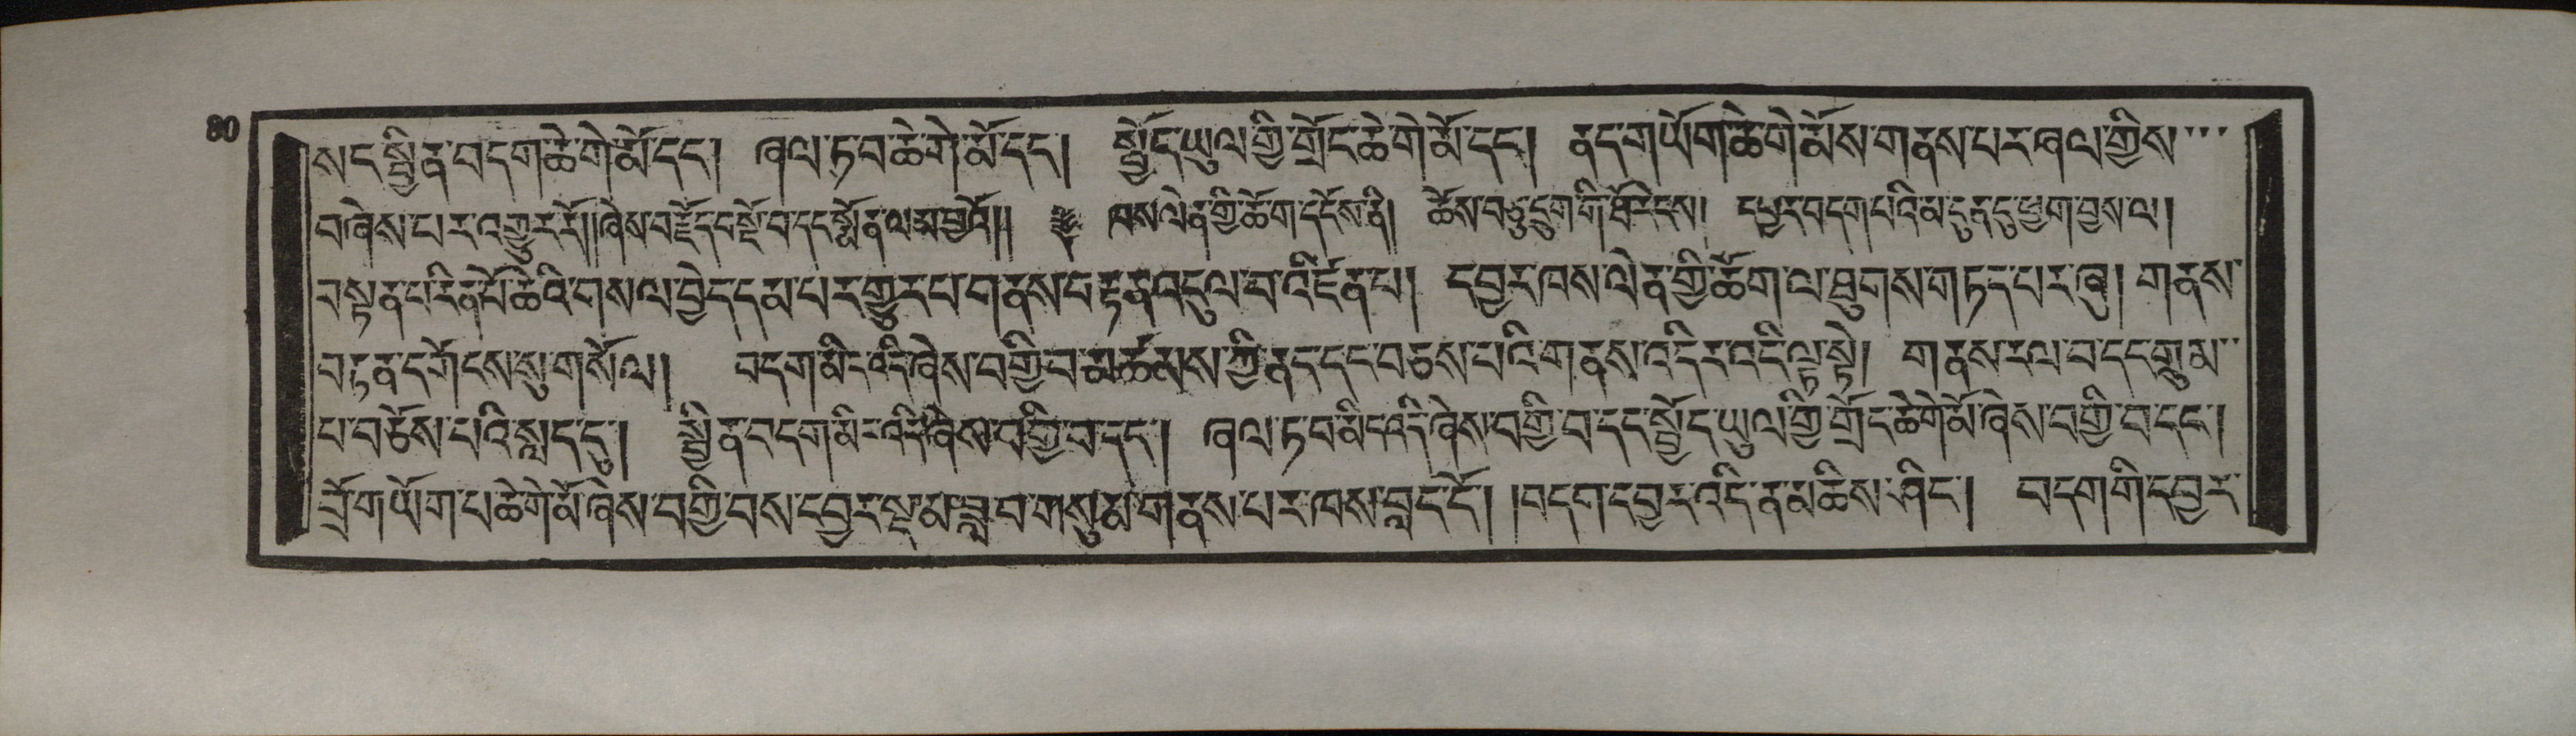སང་སྦྱིན་བདག་ཆེ་གེ་མོ་དང་། ཞལ་ཏ་བ་ཆེ་གེ་མོ་དང་། སྤྱོད་ཡུལ་གྱི་གྲོང་ཆེ་གེ་མོ་དང་། ནད་གཡོག་ཆེ་གེ་མོས་གནས་པར་ཞལ་གྱིས་
བཞེས་པར་འགྱུར་རོ། །ཞེས་བརྗོད་བསྔོ་བ་དང་སྨོན་ལམ་བྱའོ།། ༈ ཁས་ལེན་གྱི་ཆོ་ག་དངོས་ནི། ཆོས་བཅུ་དྲུག་གི་ཐོ་རེངས། དབྱར་བདག་པའི་མདུན་དུ་ཕྱག་བྱས་ལ།
བསྟན་པ་རིན་པོ་ཆེའི་གསལ་བྱེད་དམ་པར་གྱུར་པ་གནས་བརྟན་འདུལ་བ་འཛིན་པ། དབྱར་ཁས་ལེན་གྱི་ཆོག་ལ་ཐུགས་གཏད་པར་ཞུ། གནས་
བརྟན་དགོངས་སུ་གསོལ། བདག་མིང་འདི་ཞེས་བགྱི་བ་མཚམས་ཀྱི་ནང་དང་བཅས་པའི་གནས་འདིར་འདི་ལྟ་སྟེ། གནས་རལ་པ་དང་གྲུམ་
པ་བཅོས་པའི་སླད་དུ། སྦྱིན་བདག་མིང་འདི་ཞེས་བགྱི་བ་དང་། ཞལ་ཏ་བ་མིང་འདི་ཞེས་བགྱི་བ་དང་སྤྱོད་ཡུལ་གྱི་གྲོང་ཆེ་གེ་མོ་ཞེས་བགྱི་བ་དང་།
བྲོ་གཡོག་པ་ཆེ་གེ་མོ་ཞེས་བགྱི་བས་དབྱར་སྔ་མ་ཟླ་བ་གསུམ་གནས་པར་ཁས་བླང་ངོ། །བདག་དབྱར་འདི་ན་མཆིས་ཤིང་། བདག་གི་དབྱར་